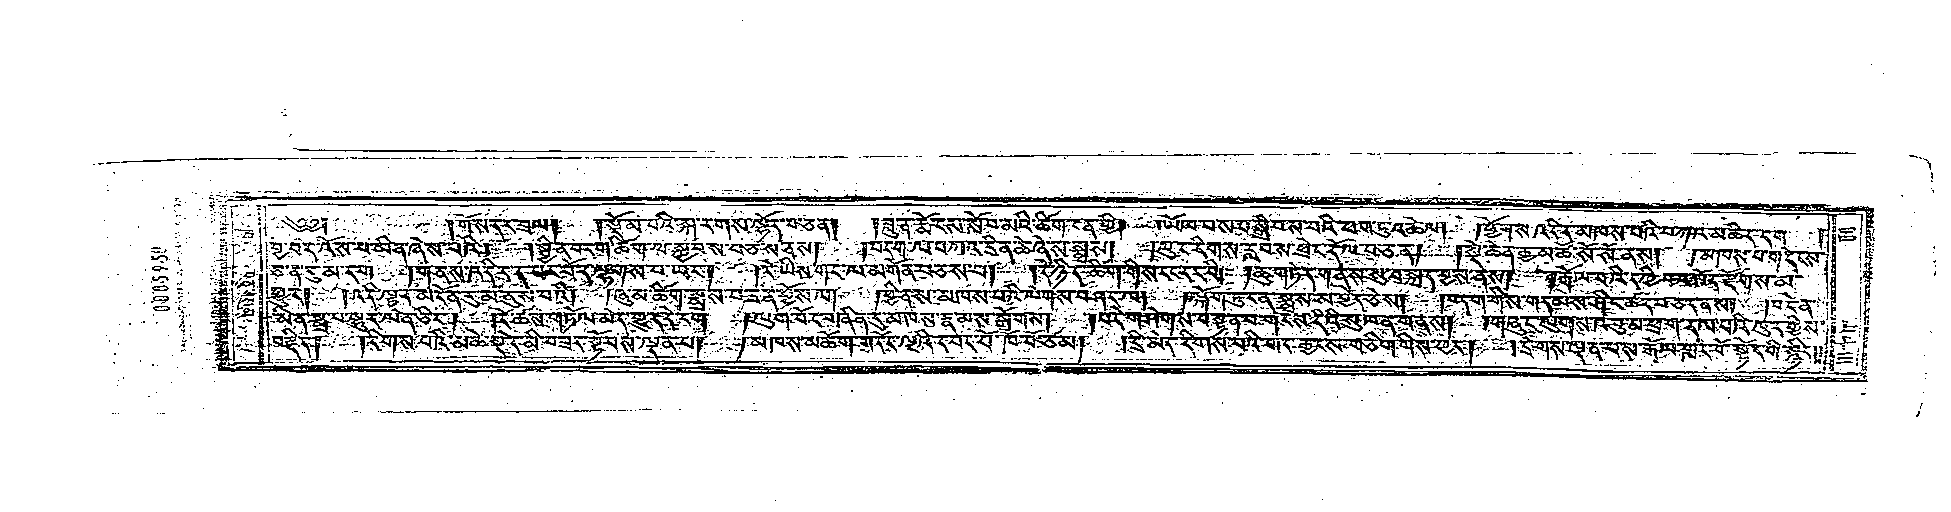༄༅། །གོས་དང་བྲལ། །སྡོམ་པའི་སྐ་རགས་ལྷོད་པ་ཅན། །བླུན་རྨོངས་སློབ་མའི་ཚིག་ངན་གྱི། །ཡོལ་བས་བསྒྲིབས་པའི་ཕག་ཏུ་འཆེལ། །ཕྱོགས་འདིར་མཁས་པའི་བཀའ་མཆིད་དག་
བྱ་བར་འོས་པ་མིན་ཞེས་པའི། །སྦྱིན་བདག་ཚིག་ལ་སྐྱབས་བཅས་ནས། །བདག་ལ་བཀའ་དྲིན་ཆེ་ཞེས་སྨྲས། །ལུང་རིགས་རླབས་ཕྲེང་རོལ་པ་ཅན། །སྡེ་ཆེན་རྒྱ་མཚོ་སོ་སོ་ནས། །མཁས་པ་གདེངས་
ཅན་དུ་མ་དག །གནས་འདིར་དཔང་པོར་ལྷགས་པ་ཡུང་། །དེ་ཡིས་གང་ལ་མགོན་བཅས་པ། །དེ་ཉིད་ཚིག་གིས་ངང་རང་བི། །ཆུ་གཏེར་གནས་སུ་བསྐྲད་བྱས་ནས། །རྒོལ་བའི་དཀྱིལ་འཁོར་རྫོགས་མ་
གྱུར། །འདི་ལྟར་མངོན་དུ་མ་ནུས་པའི། །ཞུ་མ་ཚིག་སྨྲས་པ་དྲན་བྱོས་ལ། །ཕྱི་ནས་མཁས་པའི་ལེགས་བཤད་ལ། །ལྐོག་ཏུ་ངན་སྨྲས་མ་བྱེད་ཅེས། །བདག་གིས་གདམས་ཤིང་ཚར་བཅད་ནས། །བདེན་
མིན་སྨྲ་པ་ལྷུར་ལེན་ཅིང་། །ངོ་ཚས་གཏོལ་མེད་གྱུར་དེ་དག །ལུག་བོང་བཞིན་དུ་མཁས་རྣམས་སྒྲོགས། །བདེ་གཤེགས་བསྟན་པ་གངས་རིའི་སུ་ཁ་ན་གནས། །གཞུང་ལུགས་འབུམ་ཕྲག་རལ་པའི་ལུར་གྱིས་
བརྗིད། །རིགས་པའི་མཆེ་སྡེར་མི་བཟང་སྟོབས་ལྡན་པ། །མཁས་མཆོག་གདོང་ལྔའི་དབང་པོ་ཁོ་བོ་ཙམ། །དྲི་མེད་རིགས་བའི་གང་རྒྱངས་གཅིག་གིས་ཀྱང་། །དྲེགས་ལྡན་པས་རྒོལ་གླང་བོ་སྟོང་གི་སྙིང།།